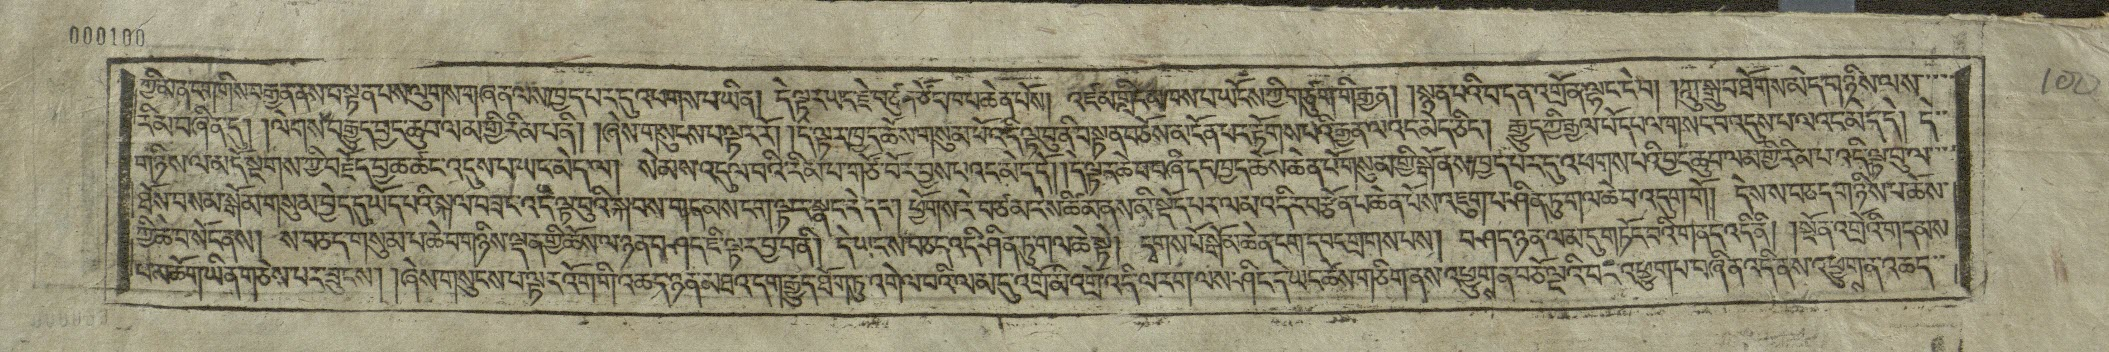ཀྱི་མན་ངག་གིས་བརྒྱན་ནས་བསྟན་པས་ལུགས་གཞན་ལས་ཁྱད་པར་དུ་འཕགས་པ་ཡིན། དེ་ལྟར་ཡང་རྗེ་བཙུན་ཙོང་ཁ་པ་ཆེན་པོས། འཛམ་གླིང་མཁས་པ་ཡོངས་ཀྱི་གཙུག་གི་རྒྱན། །སྙན་པའི་བ་དན་འགྲོ་ན་ལྷང་ངེ་བ། །ཀླུ་སྒྲུབ་ཐོགས་མེད་གཉིས་ལས་
རིམ་བཞིན་དུ། །ལེགས་བརྒྱུད་བྱང་ཆུབ་ལམ་གྱི་རིམ་པ་ནི། །ཞེས་གསུངས་པ་ལྟར་རོ། །དེ་ལྟར་ཁྱད་ཆོས་གསུམ་པོ་འདི་ལྟ་བུ་ནི་བསྟན་བཅོས་མངོན་པར་རྟོགས་པའི་རྒྱན་ལའང་མེད་ཅིང་། རྒྱུད་ཀྱི་རྒྱལ་པོ་དཔལ་གསང་བ་འདུས་པ་ལའང་མེད་དེ། དེ་
གཉིས་ལ་མདོ་སྔགས་ཀྱི་བརྗོད་བྱ་ཆ་ཚང་འདུས་པ་ཡང་མེད་ལ། སེམས་འདུལ་བའི་རིམ་པ་གཙོ་བོར་བྱས་པའང་མེད་དོ། །དེ་ལྟར་ཆེ་བ་བཞི་དང་ཁྱད་ཆོས་ཆེན་པོ་གསུམ་གྱི་སྒོ་ནས་ཁྱད་པར་དུ་འཕགས་པའི་བྱང་ཆུབ་ལམ་གྱི་རིམ་པ་འདི་ལྟ་བུ་ལ་
ཐོས་བསམ་སྒོམ་གསུམ་བྱེད་དུ་ཡོད་པའི་སྐལ་བཟང་འདི་ལྟ་བུའི་སྐབས་གདམས་ངག་ལྟར་སྣང་རེ་དང་། ཕྱོགས་རེ་བ་ཙམ་རེས་ཚིམ་ནས་མི་སྡོད་པར་ལམ་འདིར་བརྩོན་པ་ཆེན་པོས་འཇུག་པ་ཤིན་ཏུ་གལ་ཆེ་བ་འདུག་གོ། དེས་ས་བཅད་གཉིས་པ་ཆོས་
ཀྱི་ཆེ་བ་སོང་ནས། ས་བཅད་གསུམ་པ་ཆེ་བ་གཉིས་ལྡན་གྱི་ཆོས་ལ་ཉན་བཤད་ཇི་ལྟར་བྱ་བ་ནི། དེ་ཡང་ས་བཅད་འདི་ཤིན་ཏུ་གལ་ཆེ་སྟེ། དྭགས་པོ་སྒོམ་ཆེན་ངག་དབང་གྲགས་པས། བཤད་ཉན་ལམ་དུ་གཏོང་བའི་གནད་འདི་ནི། །སྔོན་འགྲོའི་གདམས་
པ་མཆོག་ཡིན་གཅེས་པར་ཟུངས། །ཞེས་གསུངས་པ་ལྟར་འོག་གི་འཆད་ཉན་མཐའ་དག་རྒྱུད་ཐོག་ཏུ་འགེལ་བའི་ལམ་དུ་འགྲོ་མི་འགྲོ་འདི་ལ་རག་ལས་ཤིང་དེ་ཡང་ཚེས་གཅིག་ནས་འཕྱུགས་ན་བཅོ་ལྔའི་བར་འཕྱུག་པ་བཞིན་འདི་ནས་འཕྱུགས་ན་འཆད་